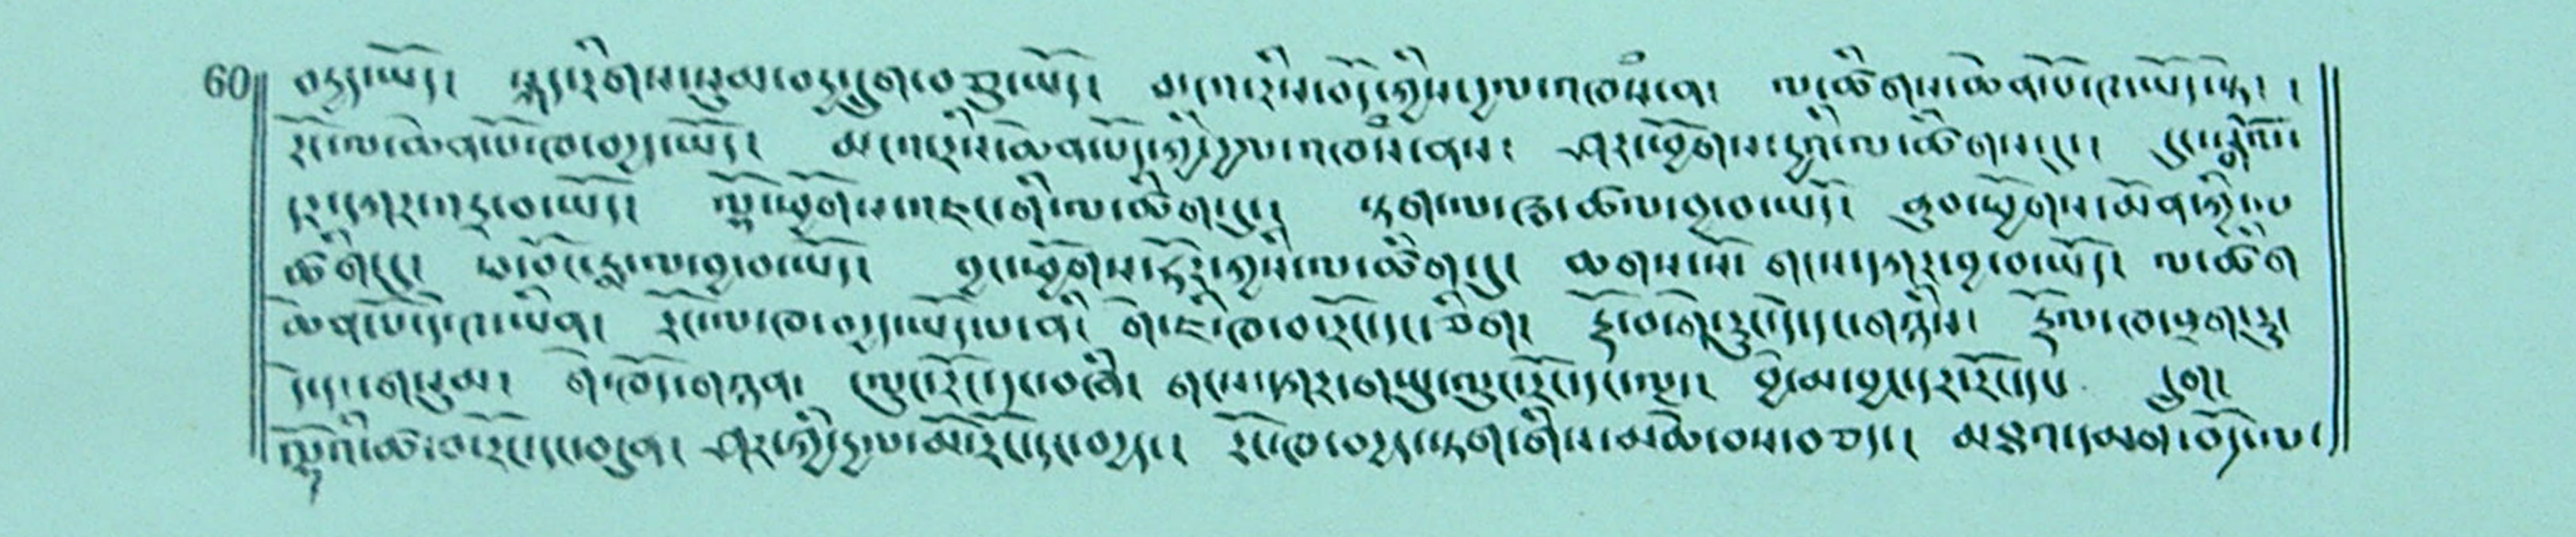བརྒྱད་ཡོད། སྐད་རིགས་སུམ་བརྒྱ་དྲུག་བཅུ་ཡོད། མངའ་རིས་བོད་ཀྱི་རྒྱལ་ཁམས་ནས། ལ་ཚིགས་ཆེན་པོ་བཞི་ཡོད་དེ། 
རོང་ལ་ཆེན་པོ་ཁ་བརྒྱད་ཡོད། མངའ་རིས་ཆེན་པོད་ཀྱི་རྒྱལ་ཁམས་ནས། ཤར་ཕྱོགས་རྒྱ་ཡི་ལ་ཚིགས་སུ། དུང་སྒོལ་
དར་དཀར་འདྲ་བ་ཡོད། ལྷོ་ཕྱོགས་འཇང་གི་ལ་ཚིགས་སུ། སྟག་ལ་ཝ་ཚལ་བྱ་བ་ཡོད། ནུབ་ཕྱོགས་མོན་གྱི་ལ་
ཚིགས་སུ། ཕ་འོང་རྨ་ལ་བྱ་བ་ཡོད། བྱང་ཕྱོགས་ཧོར་ཀྱི་ལ་ཚིགས་སུ། ཆགས་ཕོ་[ཕག་སོ]གངས་དཀར་བྱ་བ་ཡོད། ལ་ཚིགས་
ཆེན་པོ་དེ་བཞི་ཡིན། རོང་ལ་ཁ་བརྒྱད་ཡོད་པ་ནི། གེ་ཇི་ཁ་བ་རོང་དང་གཅིག རྡོ་བ་གེ་རོང་དེ་དང་གཉིས། རྡོལ་ཁ་བྲག་རུ་
དེ་དང་གསུམ། གེ་ཁོད་གཉན་ལུང་རོང་དང་བཞི། གངས་དཀར་གཡུ་ལུང་རོང་དང་ལྔ། བྱེ་མ་བྱང་དར་རོང་དང་དྲུག 
ལྷོ་ཡི་ཚ་བ་རོང་དང་བདུན། ཤར་གྱི་རྒྱལ་མོ་རོང་དང་བརྒྱད། རོང་ཁ་བརྒྱད་སྟག་གི་མཆེ་བས་བཅད། མཐའ་དམག་བོད་ལ་